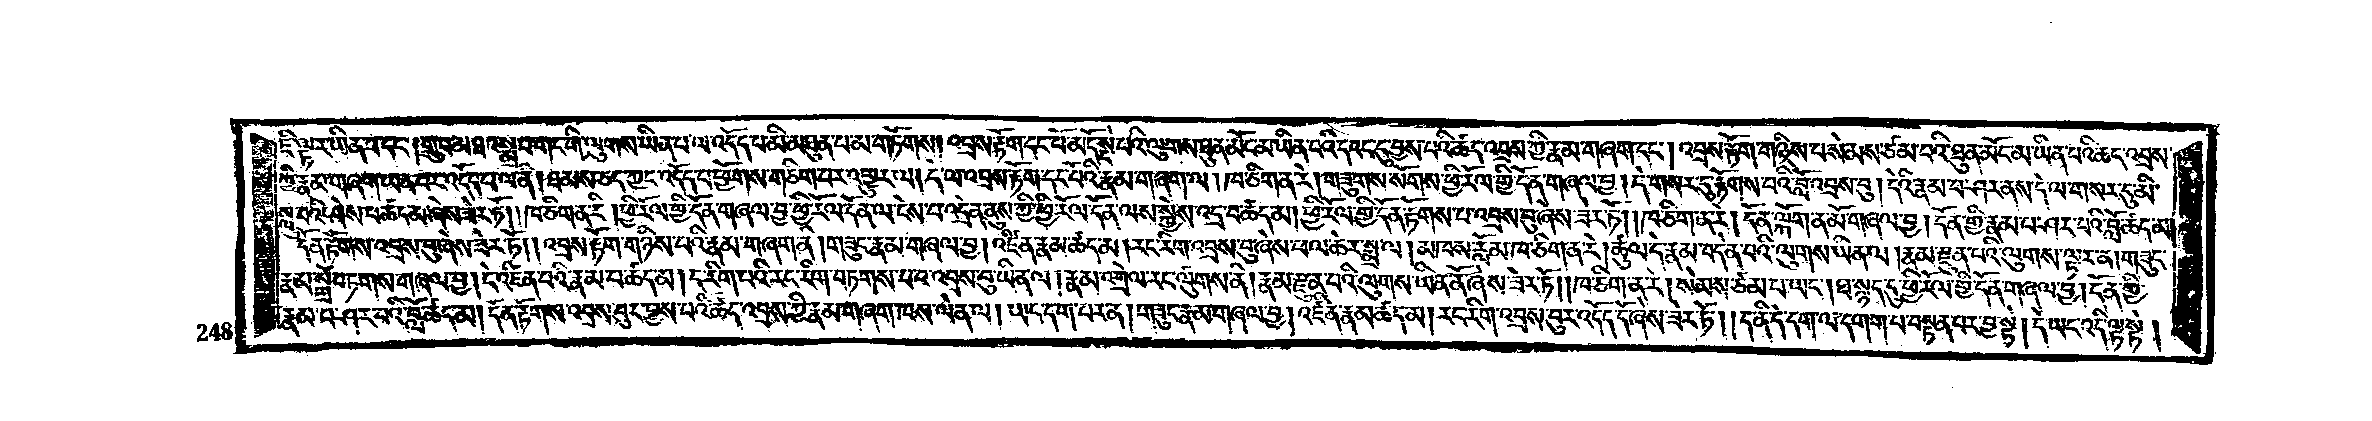ཇི་ལྟར་ཡིན་པ་དང་། གྲུབ་མཐའ་སྨྲ་བ་གང་གི་ལུགས་ཡིན་པ་ལ་འདོད་པ་མི་མཐུན་པ་མ་གཏོགས། འབྲས་རྟོག་དང་པོ་མདོ་སྡེ་པའི་ལུགས་ཐུན་མོང་མ་ཡིན་པའི་དབང་དུ་བྱས་པའི་ཚད་འབྲས་ཀྱི་རྣམ་གཞག་དང་། འབྲས་རྟོག་གཉིས་པ་སེམས་ཙམ་པའི་ཐུན་མོང་མ་ཡིན་པའི་ཚད་འབྲས་
ཀྱི་རྣམ་གཞག་ཡིན་པར་འདོད་པ་ལ་ནི། ཐམས་ཅད་ཀྱང་འདོད་པ་ཕྱོགས་གཅིག་པར་འགྱུར་ལ། དེ་ལ་འབྲས་རྟོག་དང་པོའི་རྣམ་གཞག་ལ། ཁ་ཅིག་ན་རེ། གཟུགས་སོགས་ཕྱི་རོལ་གྱི་དོན་གཞལ་བྱ། དེ་གསར་དུ་རྟོགས་པའི་བློ་འབྲས་བུ། དེའི་རྣམ་པ་ཤར་ནས་དེ་ལ་གསར་དུ་མི་
སླུ་བའི་ཤེས་པ་ཚད་མ་ཞེས་ཟེར་ཏོ། །ཁ་ཅིག་ན་རེ། ཕྱི་རོལ་གྱི་དོན་གཞལ་བྱ་ཕྱི་རོལ་དོན་ལ་ངེས་པ་འདྲེན་ནུས་ཀྱི་ཕྱི་རོལ་དོན་ལས་སྐྱེས་འདྲ་བ་ཚད་མ། ཕྱི་རོལ་གྱི་དོན་རྟོགས་པ་འབྲས་བུ་ཞེས་ཟེར་ཏོ། །ཁ་ཅིག་ན་རེ། དོན་ལྐོག་ན་མོ་གཞལ་བྱ། དོན་གྱི་རྣམ་པ་ཤར་པའི་བློ་ཚད་མ།
དོན་རྟོགས་འབྲས་བུ་ཞེས་ཟེར་ཏོ། །འབྲས་རྟོག་གཉིས་པའི་རྣམ་གཞག་ནི། གཟུང་རྣམ་གཞལ་བྱ། འཛིན་རྣམ་ཚད་མ། རང་རིག་འབྲས་བུ་ཞེས་ཕལ་ཆེར་སྨྲ་ལ། མཁས་རློམ་ཁ་ཅིག་ན་རེ། ཚུལ་དེ་རྣམ་བདེན་པའི་ལུགས་ཡིན་ལ། རྣམ་རྫུན་པའི་ལུགས་ལྟར་ན། གཟུང་
རྣམ་སྒྲོ་བཏགས་གཞལ་བྱ། དེ་འཛིན་པའི་རྣམ་པ་ཚད་མ། དེ་རིག་པའི་རང་རིག་བཏགས་པ་བ་འབྲས་བུ་ཡིན་ལ། རྣམ་འགྲེལ་རང་ལུགས་ནི། རྣམ་རྫུན་པའི་ལུགས་ཡིན་ནོ་ཞེས་ཟེར་ཏོ། །ཁ་ཅིག་ན་རེ། སེམས་ཙམ་པ་ཡང་། ཐ་སྙད་དུ་ཕྱི་རོལ་གྱི་དོན་གཞལ་བྱ། དོན་གྱི་
རྣམ་པ་ཤར་བའི་བློ་ཚད་མ། དོན་རྟོགས་འབྲས་བུར་བྱས་པའི་ཚད་འབྲས་ཀྱི་རྣམ་གཞག་ཁས་ལེན་ལ། ཡང་དག་པར་ན། གཟུང་རྣམ་གཞལ་བྱ། འཛིན་རྣམ་ཚད་མ། རང་རིག་འབྲས་བུར་འདོད་དོ་ཞེས་ཟེར་ཏོ། །ད་ནི་དེ་དག་ལ་དགག་པ་བསྟན་པར་བྱ་སྟེ། དེ་ཡང་འདི་ལྟ་སྟེ།